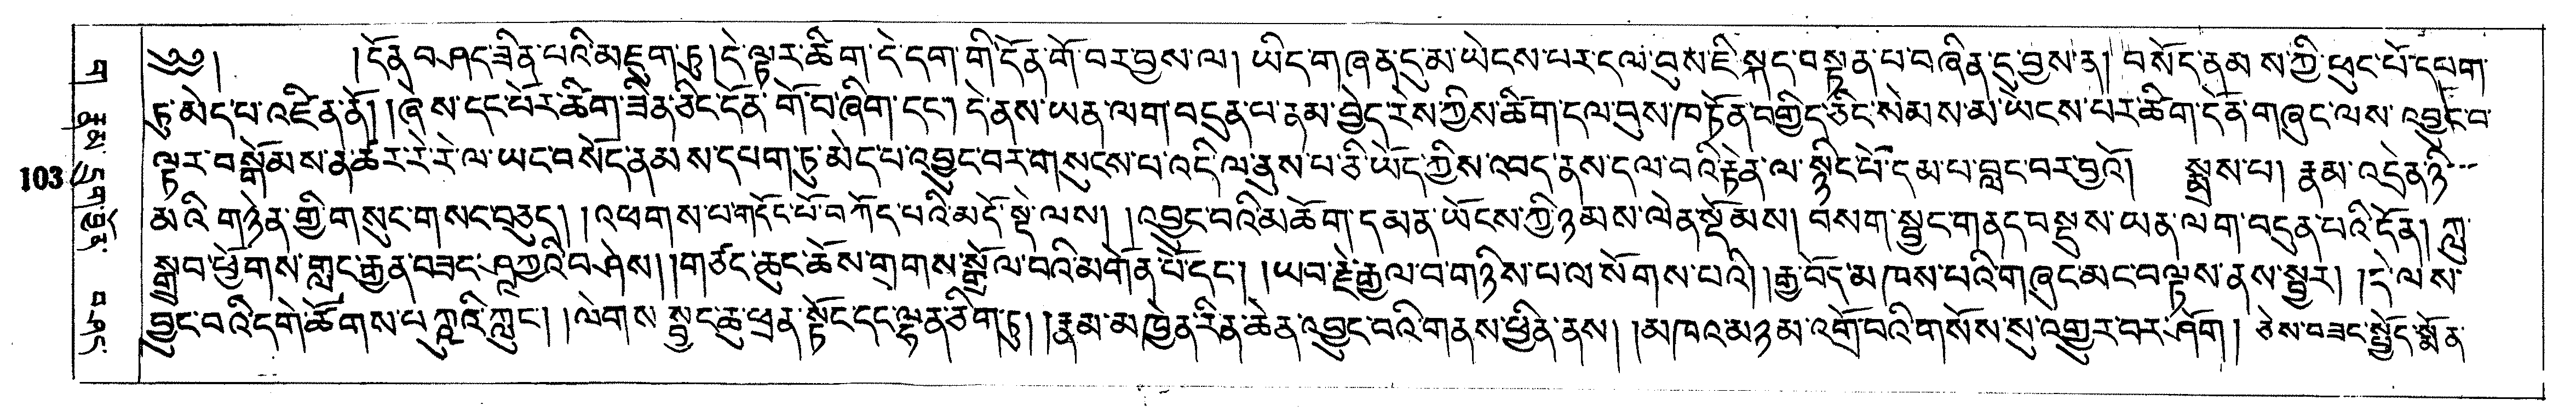༄༅། །དོན་བཤད་ཟིན་པའི་མཇུག་ཏུ། དེ་ལྟར་ཚིག་དེ་དག་གི་དོན་གོ་བར་བྱས་ལ། ཡིད་གཞན་དུ་མ་ཡེངས་པར་དལ་བུས་ཇི་སྐད་བསྟན་པ་བཞིན་དུ་བྱས་ན། བསོད་ནམས་ཀྱི་ཕུང་པོ་དཔག་
ཏུ་མེད་པ་འཛིན་ནོ། །ཞེས་དང་པོར་ཚིག་ཟིན་ཅིང་དོན་གོ་བ་ཞིག་དང་། དེ་ནས་ཡན་ལག་བདུན་པ་ནམ་བྱེད་རེས་ཀྱིས་ཚིག་དལ་བུས་ཁ་ཏོན་བགྱིད་ཅིང་སེམས་མ་ཡེངས་པར་ཚིག་དོན་གཞུང་ལས་འབྱུང་བ་
ལྟར་བསྒོམས་ན་ཚར་རེ་རེ་ལ་ཡང་བསོད་ནམས་དཔག་ཏུ་མེད་པ་འབྱུང་བར་གསུངས་པ་འདི་ལ་ནུས་པ་ཅི་ཡོད་ཀྱིས་འབད་ནས་དལ་བའི་རྟེན་ལ་སྙིང་པོ་དམ་པ་བླང་བར་བྱའོ། སྨྲས་པ། རྣམ་འདྲེན་ཉི་
མའི་གཉེན་གྱི་གསུང་གསང་བཅུད། །འཕགས་པ་གདོང་པོ་བཀོད་པའི་མདོ་སྡེ་ལས། །འབྱུང་བའི་མཆོག་དམན་ཡོངས་ཀྱི་ཉམས་ལེན་སྡོམས། བསག་སྦྱང་གནད་བསྡུས་ཡན་ལག་བདུན་པའི་དོན། ཀླུ་
སྒྲུབ་ཕྱོགས་གླང་རྒྱན་བཟང་ཤཱཀྱའི་བཤེས། །གཙང་ཆུང་ཆོས་གྲགས་སྒྲོལ་བའི་མགོན་པོ་དང་། །ཡབ་རྗེ་རྒྱལ་བ་གཉིས་པ་ལ་སོགས་པའི། །རྒྱ་བོད་མཁས་པའི་གཞུང་མང་བལྟས་ནས་སྦྱར། །དེ་ལས་
བྱུང་བའི་དགེ་ཚོགས་པཀྵུའི་ཀླུང་། །ལེགས་སྦྱང་ཆུ་ཕྲན་སྟོང་དང་ལྷན་ཅིག་ཏུ། །རྣམ་མཁྱེན་རིན་ཆེན་འབྱུང་བའི་གནས་ཕྱིན་ནས། །མཁའ་མཉམ་འགྲོ་བའི་གསོས་སུ་འགྱུར་བར་ཤོག །ཅེས་བཟང་སྤྱོད་སྨོན་